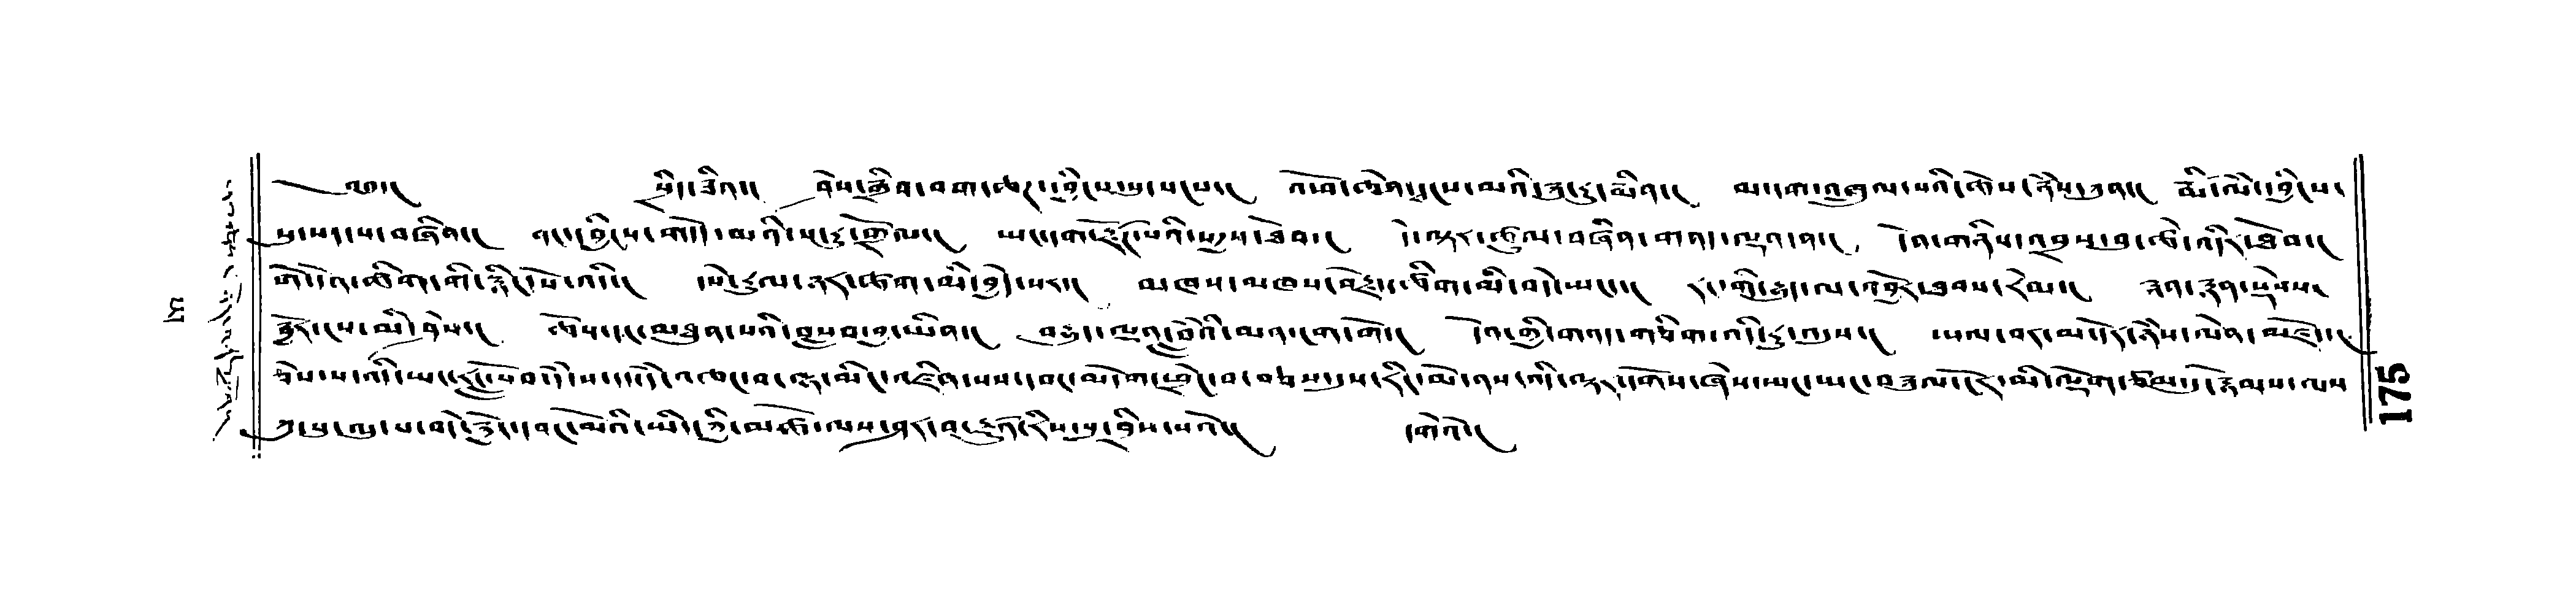སྲིད་ཟིན། །ཤེས་སྒྲིབ་བག་ཆགས་དབྱིངས་སུ་སངས། །འཕོ་ཆེན་དྭངས་མའི་སྐུ་རུ་སྨིན། །མ་དག་འཁྲུལ་པའི་ཆོས་རྣམས་ཀུན། །རྨི་ལམ་དབྱིངས་
སུ་སད་པ་བཞིན། །ནང་དབྱིངས་གདོད་མའི་ས་རུ་གྲོལ། །ཡང་དག་རྫོགས་པའི་སངས་རྒྱས་ཐོབ། །དེ་ལྟར་ཚུལ་བཞིན་གནད་ལྡན་ན། །དོན་གཉིས་འབྲས་བུ་ཚེ་འདིར་ཐོབ་
གོ་དོན་ཚིག་གི་སྙིང་པོ་འདི། །དཔེ་རུལ་ཉར་ཚགས་མི་བྱེད་པར། །མཁས་མཁས་བརྗོད་ཚིག་མི་བདེ་ཡང་། །རང་གི་རྒྱུད་ལ་འབྱོར་ཐབས་རེམ། །སྙན་སྙན་སྡེབ་
སྦྱོར་ངས་མི་ཤེས། །ཆོས་དང་མཐུན་པའི་བསླབ་བྱ་ཡིན། །བརྒྱུད་ལྡན་བླ་མའི་མན་ངག་གོ །དོན་གྱི་གནད་གཅིག་འདིར་རུ་འདུས། །ཡལ་བར་མ་དོར་ཉམས་ལེན་མཛོད། 
ཅེས་པ་འདི་ཡང་རང་སློབ་དམ་པ་དད་དམ་འཆང་བ་ལྷ་མིང་འཛིན་པས་དབང་མདོག་ཕྲེང་བ་བཅས་དུས་རིང་མོ་ནས་འདི་ལྟར་དགོས་ཞེས་ཡང་ཡང་བསྐུལ་ངོར་མ་ལྡོག་ཙམ་དུ་སྙོམས་ལས་
ཀུ་སཱ་ལི་པ་བདེ་སྐྱོང་དབང་མོའི་ཡིད་ཀྱི་མཚོ་ལས་ཤར་བ་རྫུན་རིས་སུ་བྲིས་པའོ།། དགེའོ།།